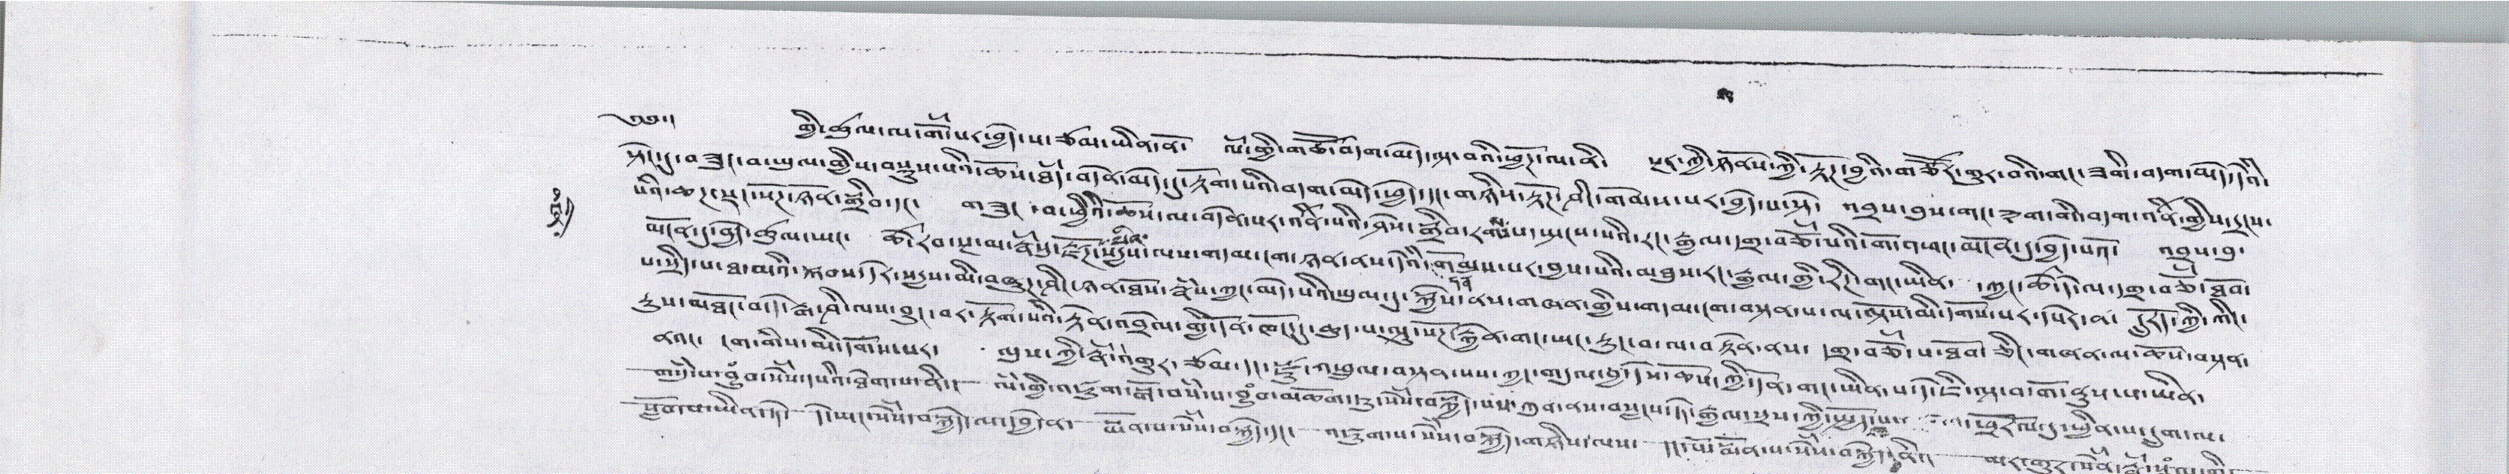གྱི་ཚུལ་ལ་གོམས་པར་བྱེད་པ་ཙམ་ཡིན་ནོ། ལམ་གྱི་གཙོ་བོ་བདག་མེད་ལྟ་བའི་ཕྱོགས་ལ་ནི། སྔར་གྱི་ཉན་ཐོས་ཀྱི་རྟོགས་བྱའི་གཙོ་བོར་གྱུར་པའི་གང་ཟག་གི་བདག་མེད། དེའི་
སྟེང་དུ་གཟུང་བ་ཡུལ་གྱིས་བསྡུས་པའི་ཆོས་ཐམས་ཅད་བདེན་མེད་དུ་རྟོགས་པའི་བདག་མེད་ཕྱེད་དང་གཉིས་རྟོགས་ཤིང་གོམས་པར་བྱེད་པ་སྟེ། འབྲས་བུས་གང་ཟག་གི་བདག་འཛིན་གྱིས་དྲངས་
པའི་ཆགས་སྡང་སོགས་ཉོན་སྒྲིབ་དང་། གཟུང་བ་ཕྱིའི་ཆོས་ལ་བདེན་པར་འཛིན་པའི་ཤེས་སྒྲིབ་རགས་པ་སྤངས་པའི་རང་རྒྱལ་དགྲ་བཅོམ་པའི་གོ་འཕང་མངོན་དུ་བྱེད་པའོ། འབྲས་བུ་
མངོན་དུ་བྱེད་ཚུལ་ཡང་། ཚེ་རབས་སྔ་མ་རྣམས་སུའང་རྫོགས་པའི་སངས་རྒྱས་ལས་གདམས་ངག་ཉན་ནས་དེའི་དོན་གོམས་པར་བྱས་པའི་མཐུས་རང་རྒྱལ་གྱི་རིགས་གང་ཡིན་ཀྱང་ཚེ་དེ་ལ་དགྲ་བཅོམ་ཐོབ་
པ་སྲིད་པ་ཐ་མའི་སྐབས་དེར་སངས་རྒྱས་མི་བཞུགས་ཤིང་ཉན་ཐོས་རྣམས་ཀྱང་མེད་པའི་ཡུལ་དུ་སྐྱེས་ནས་གཞན་གྱིས་གདམས་ངག་བསྟན་པ་ལ་ལྟོས་མི་དགོས་པར་དཔེར་ན་དུར་ཁྲོད་ཀྱི་ཀེང་
རུས་མཐོང་བ་དེ་རྒ་ཤི་ལས་བྱུང་བར་རྟོག་པའི་རྟེན་འབྲེལ་གྱི་དོན་ཁོང་དུ་ཆུད་པ་ལྟ་བུ་སོགས་རྐྱེན་གང་ཡང་རུང་བ་ལ་བརྟེན་ནས་དགྲ་བཅོམ་པ་ཐོབ་ཅིང་གཞན་ལ་ཆོས་བསྟན་
ནའང་ངག་གིས་མི་དགོས་པར། ལུས་ཀྱི་རྣམ་འགྱུར་ཙམ་དང་རྫུ་འཕྲུལ་བསྟན་པས་ཀྱང་གདུལ་བྱ་དེས་ཆོས་ཀྱི་དོན་གང་ཡིན་པ་དེ་ཇི་ལྟ་བ་གོ་ནུས་པ་ཡིན། 
གསུམ་པ་བྱང་ཆུབ་སེམས་དཔའི་ཐེག་པ་ནི། ལམ་གྱི་འཇུག་སྒོ་བསམ་པ་བྱང་ཆུབ་མཆོག་ཏུ་སེམས་བསྐྱེད་པས་ཀུན་ནས་བསླངས་ཏེ་རྒྱལ་སྲས་ཀྱི་སྤྱོད་པ་ཕ་རོལ་ཏུ་ཕྱིན་པ་དྲུག་ལ་
སློབ་པ་ཡིན་ཏེ། དེ་ཡང་སེམས་བསྐྱེད་ལ་དབྱེ་ན། སྨོན་པ་སེམས་བསྐྱེད་དང་འཇུག་པ་སེམས་བསྐྱེད་གཉིས་ལས། དང་པོ་སྨོན་པ་སེམས་བསྐྱེད་ནི། མར་གྱུར་སེམས་ཅན་ཐམས་ཅད་